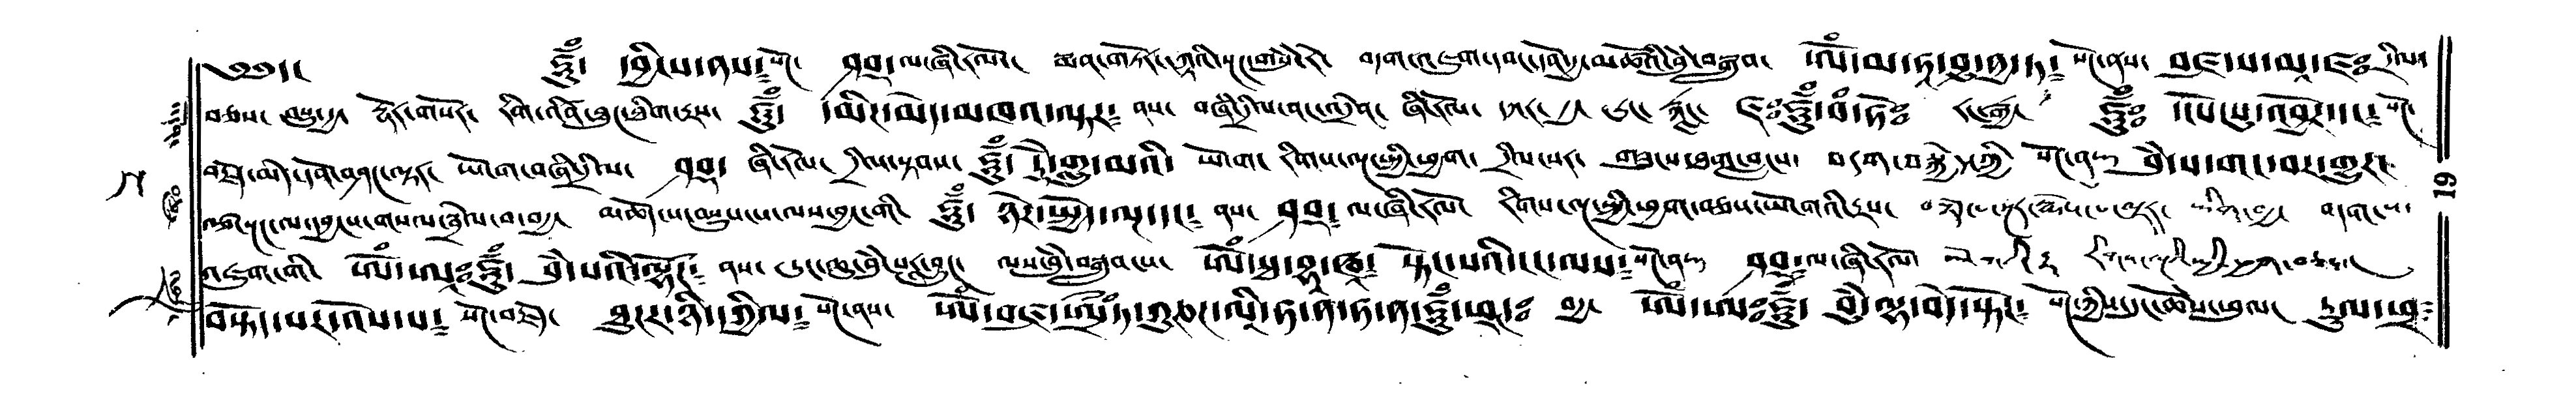ཧཱུྃ༔ དབྱིངས་ནས༴ སོགས། ཤབྡ་ལ་ཞི་རོལ། སྨན་གཏོར་རཀྟའི་སྔགས་གསུམ་རེ། བདག་འཇུག་དབང་དོན་རྒྱ་མཚོའི་བུམ་སྒྲུབ། ཨོཾ་མ་ཧཱ་ཤུ་ནྱ་ཏ༴ སོགས་ནས། བཛྲ་ས་མཱ་ཛཿ དྲིལ་
བཅས། བསྡུ་རྒྱ། རྡོར་གསོར། རིག་འཛིན་ཐུགས་ཐིག་རྟས། ཧཱུྃ༔ དམིགས་མེད་མཁའ་ལྟར༴ ནས། བཞི་དྲིལ་ནང་འདྲེན། ཞི་རོལ། དཀར་། རྒྱ། དུང་། རྐང་བཞི། ཛཿཧཱུྃ་བཾ་ཧོཿ རང་རྒྱ། ཧཱུྃཿ དངོས་སུ་འབྱོར་དང༴ སོགས། 
བརྗོད་མེད་དོན་བཤགས་ལྟར་ཡོ་ག་བཞི་དྲིལ། ཤབྡ། བཞི་རོལ། དྲིལ་སྟབས། ཧཱུྃ༔ རྡོ་རྗེ་གླུ་མའི༴ ཡོ་ག རིགས་ལྔ་སྤྱི་ཕྱག དྲིལ་བསིལ། གཟུངས་ཐག་བླང་། བདག་བསྐྱེད་ཀྱི༴ སོགས་ནས། བུམ་པ་གང་བར་གྱུར༔ 
རྩ་སྔགས་ལ་དབྱངས་གསལ་སྦྲེལ་བ་བརྒྱ། མཆོད་པ་བསྡུས་པ་ལས་བྱང་གི ཧཱུྃ༔ ཉེར་སྤྱོད་ལྔ་དང༴ ནས། ཤབྡ༴ ལ་ཞི་རོལ། རིགས་ལྔ་སྤྱི་ཕྱག་བཅས་ཡོ་གའི་རྟས། བསྟོད་པ་སྔར་སྨོས་པ་ལྟར། ཡིག་བརྒྱ། བདག་
འཇུག་གི ཨོཾ་ཨཱཿཧཱུྃ༔ བུམ་པའི་ལྷ་ཚོགས༴ ནས། དུང་ཆུ་བུམ་པར་བླུགས། ལས་བུམ་སྒྲུབ་པ། ཨོཾ་སྭ་བྷཱ་ཝ༴ སྟོང་པའི་ངང་ལས༴ སོགས་ནས། ཤབྡ༴ ལ་ཞི་རོལ། ཡོ་གའི་རྟས་རིགས་ལྔའི་སྤྱི་ཕྱག་བཅས། 
བསྟོད་པར་འོས་པ༴ སོགས་རྗོད། ཐུགས་ཀར་ཉི་དཀྱིལ༴ སོགས་ནས། ཨོཾ་བཛྲ་ཨ་མྲིཏ་ཀུཎྜ་ལཱི་ཧ་ན་ཧ་ན་ཧཱུྃ་ཕཊ༔ རང་རྒྱ། ཨོཾ་ཨཿཧཱུྃ༔ བུམ་ལྷ་བདེ་སྟོང༴ སོགས་ཀྱིས་དུང་ཆོས་ཕུལ། རྡུལ་ཕྲ་